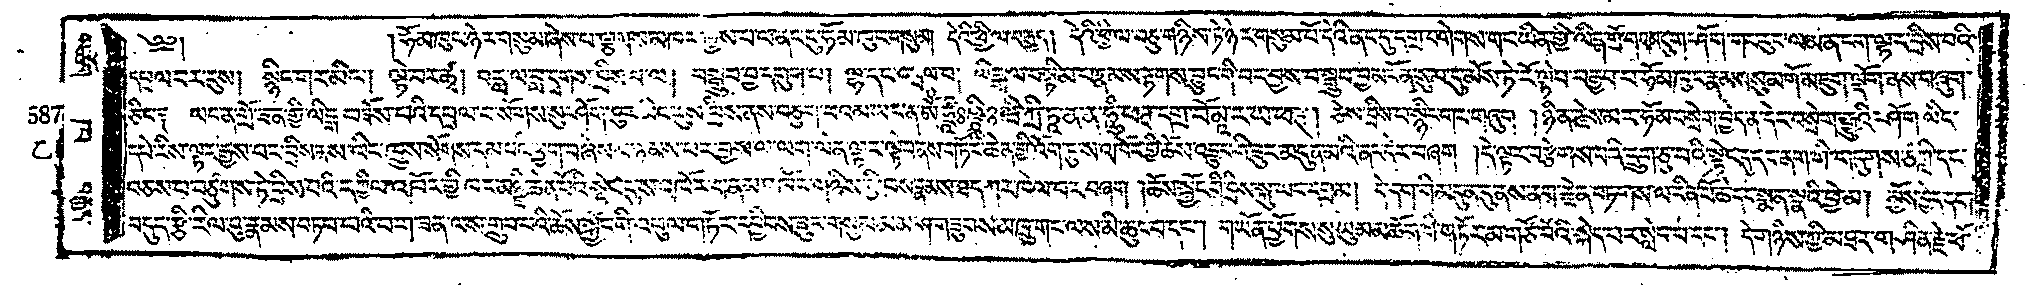༄༅། །ཧོམ་ཁུང་ཉེར་གསུམ་ཞེས་པ་ལྕགས་མཁར་རྒྱས་པ་ལ་ནང་དུ་ཧོམ་ཁུང་གསུམ། དེའི་ཕྱི་ལ་བརྒྱད། དེའི་ཕྱི་ལ་བཅུ་གཉིས་ཏེ་ཉེར་གསུམ་པོ་དེའི་ནང་དུ་དགྲ་བགེགས་གང་ཡིན་གྱི་ལིངྒ་གྲོ་གའམ་དུག་ཤོག་གང་རུང་ལ་མན་ངག་ལྟར་བྲིས་པའི་
དཔྲལ་བར་རུས། སྙིང་གར་མིང་། ལྟེ་བར་ཚྭ། བརླ་ལ་བླ་དྭགས་བྲིས་པ་ལ། བསྒྲུབ་བྱ་དགུག་པ། ལྷ་དང་འབྲལ་བ། ལིངྒ་བསྟིམ་པ་རྣམས་རྟགས་བྱུང་གི་བར་བྱས་བསྒྲུབ་བྱ་མངོན་སུམ་དུ་མོས་ཏེ་རོ་ལྟེ་བ་བརྒྱབ་པ་ཧོམ་ཁུང་རྣམས་སུ་མགོ་མཇུག་ལྡོག་ནས་གཞུག་
ཅིང༑ ཡང་ན་གྲོ་ཟན་གྱི་ལིངྒ་བཟོས་པའི་དཔྲལ་བ་སོགས་སུ་ཤོག་བུར་མིང་རུས་བྲིས་ནས་བཅུག་པའམ་ཡང་ན་ཨོཾ་ཧྲཱིཿ ཥྚཱིཿ ཝི་ཀྲི་ཏཱ་ན་ན་ཧཱུཾ་ཕཊ་དགྲ་བོ་མཱ་ར་ཡ་ཕཊ། ཅེས་བྲིས་བ་སྙིང་གར་གཞུག །ཉིན་རྗེས་མར་ཁོམ་བསྲེག་བྱེད་ན་དེར་བསྲེག་རྒྱུའི་ཤོག་ལིང་
དཔེ་རིས་ལྟར་རྒྱས་པར་བྲིས་ནས་ལིང་ཁྲུས་སོགས་དམ་པའི་ཕྱག་བཞེས་མ་ཉམས་པར་བྱས་ལ་ལག་ལེན་ལྟར་ལྟེ་བ་ནས་གཏོར་ཆེན་གྱི་འོག་ཏུ་ས་འཁོར་གྱི་ཆོས་འབྱུང་གི་ཟུར་མདུན་མའི་ནང་དེར་བཞག །དེ་ལྟར་བརྩེགས་པའི་དྲུག་ཅུ་པའི་སྟེང་དུ་དར་ནག་གི་གདུགས་ཙཀླི་དང་
བཅས་པ་བཙུགས་ཏེ་བྲིས་པའི་དཀྱིལ་འཁོར་གྱི་ཁར་མཉྫི་ཆེན་པོའི་སྟེང་དུ་ས་འཁོར་གནམ་འཁོར་གཉིས་རྩིབས་རྣམས་ཐད་ཀར་ཁེལ་བར་བཞག །ཆོས་སྐྱོང་གི་བྲིས་སྐུ་ཡང་དགྲམ། དེ་དག་གི་མདུན་དུ་ནས་ནག་རྗེན་བཏགས་ལ་རིན་པོ་ཆེ་དང་སྨན་སྣའི་ཕྱེ་མ། མྱོས་བྱེད་དང་།
བདུད་རྩི་རིལ་བུ་རྣམས་བཏབ་པའི་བག་ཟན་ལས་གྲུབ་པའི་ཆོས་སྐྱོང་གི་འབུལ་གཏོར་དབྱིབས་ཟུར་གསུམ་མ་མ་ཤ་གཟུགས་མ་ཁྲུ་གང་ལས་མི་ཆུང་བ་དང་། གཡོན་ཕྱོགས་སུ་ཡུམ་མཆོག་གི་གཏོར་མ་གཙོ་བོའི་སྐེད་པར་སླེབ་པ་དང་། དེ་གཉིས་ཀྱི་མཐར་གཤིན་རྗེ་ཕོ་